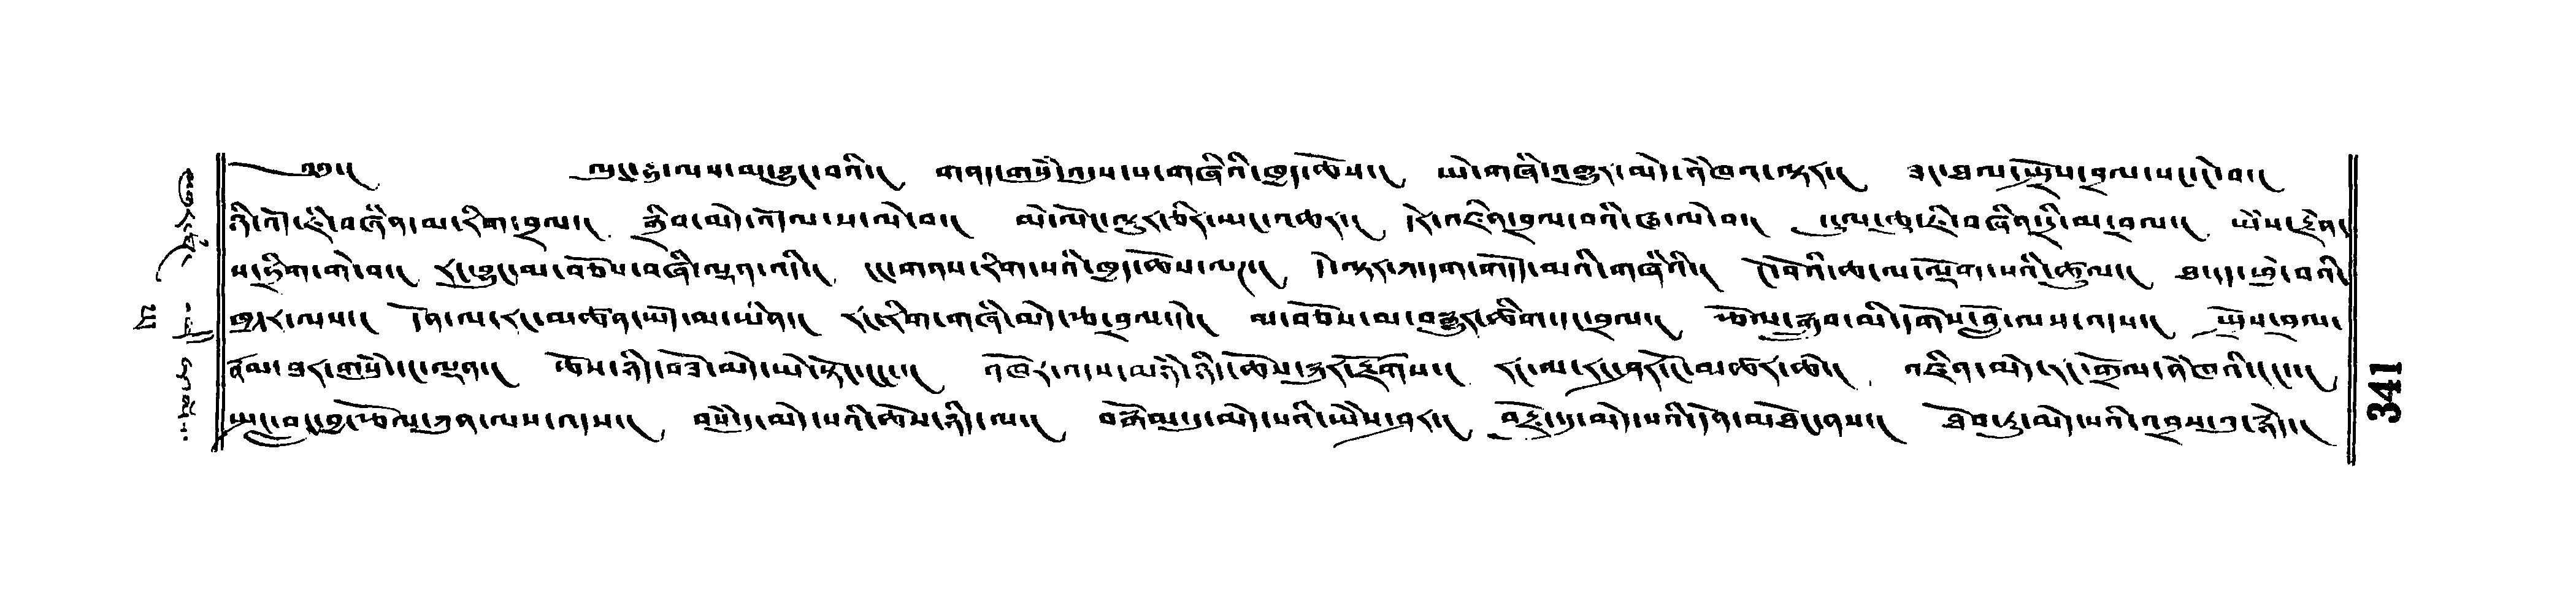ལུང་རྒྱུ་ལས་མ་བྱུང་བའི། །གནད་གསུམ་འདུས་པ་གཞིའི་ཁྱད་ཆོས། །ཡེ་གཞི་འགྱུར་མེད་ནམ་མཁའ་ལྟར། །ཟང་ཐལ་སྤྲོས་བྲལ་སང་ངེ་བ། །
ཉི་འོད་ཇི་བཞིན་མ་རིག་བྲལ། །སྒྲིབ་མེད་འོད་གསལ་ས་ལེ་བ། །མེ་ལོང་ལྟ་བུར་ཅིར་ཡང་འཆར། །དེར་འཛིན་བྲལ་བའི་ཝ་ལེ་བ། །དངུལ་ཆུ་ཇི་བཞིན་དྲི་མ་བྲལ། །ཡེ་ཤེས་རྗེན་
པ་ཧྲིག་གེ་བ། །རང་བྱུང་མ་བཅོས་བཞི་ལྡན་འདི། །ངང་གནས་རིག་པའི་ཁྱད་ཆོས་ལགས། །དེ་ལྟར་ཀ་དག་གདོད་མའི་གཞིའི། །ངོ་བོའི་ཆ་ལ་ལྡོག་པའི་ཚུལ། །ཐ་དད་ཕྱེ་བའི་
ཁྱད་པར་ལས། །དོན་ལ་རང་མཚན་ཡོད་མ་ཡིན། །རང་རིག་གཞི་མེད་རྩ་བྲལ་དེ། །མ་བཅོས་མ་བསྒྱུར་ཚིག་དང་བྲལ། །རྩོལ་སྒྲུབ་མི་དགོས་བློ་ལས་འདས། །སྤྲོས་བྲལ་
རྣམ་ཐར་གསུམ་དང་ལྡན། །ཆོས་ཉིད་བཟོ་མེད་ཡེ་སྟོང་ངང་། །འཁོར་འདས་མཉམ་ཉིད་ཆོས་སྐུར་རྫོགས། །རང་ལ་རང་ཤར་ངོ་མཚར་ཆེ། །འཛིན་མེད་རང་གྲོལ་ནམ་མཁའི་ངང་། །
སྤང་བླང་བྱ་རྩོལ་ཀུན་ལས་འདས། །བསམ་དུ་མེད་པའི་ཆོས་ཉིད་ལ། །བསྒོམ་དུ་མེད་པའི་ཡེ་ཤེས་ཤར། །བརྗོད་དུ་མེད་པའི་དོན་མཐོང་ནས། །ཐོབ་ཏུ་མེད་པའི་འབྲས་བུ་རྙེད།